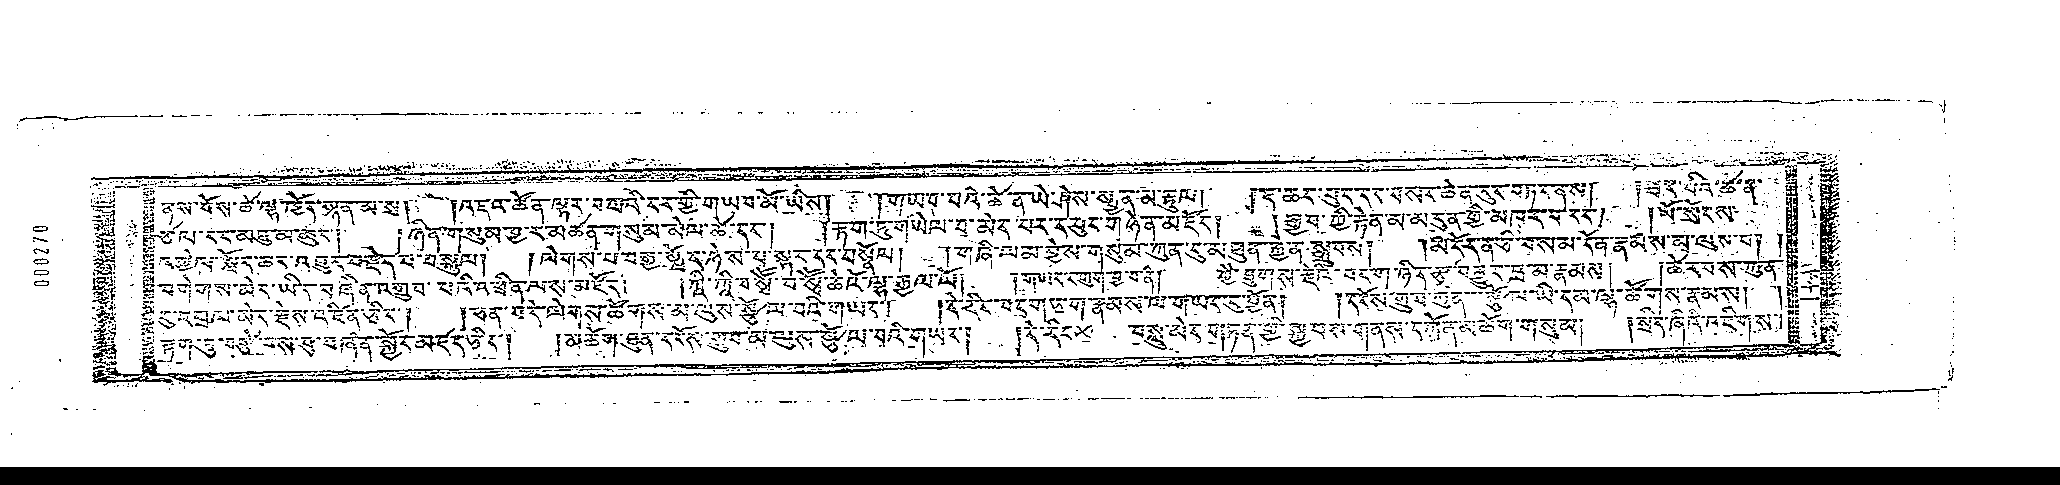ནས་བོས་ཚེ་ལྷ་ཁྱོད་སྙན་མ་སྲ། །འཇའ་ཚོན་ལྟར་བཀྲའི་དར་གྱི་གཡབ་མོ་ཡིས། །གཡབ་པའི་ཚེ་ན་ཡེ་ཤེས་སྤྱན་མ་རྟུལ། །ཇ་ཆང་ཕུད་དང་བསད་ཆེན་དུད་བཏང་ནས། །རྦད་པའི་ཚེ་ན་
རྩལ་དང་མཐུ་མ་ཆུང་། །ཉིན་གསུམ་བྱ་ར་མཚན་གསུམ་མེལ་ཚེ་དང་། །རྟག་ཏུ་གཡེལ་བ་མེད་པར་དཔུང་གཉེན་མཛོད། །རྒྱབ་ཀྱི་རྟེན་མ་མདུན་གྱི་མཁར་བ་དང་། །ཡོ་སྲོངས་
འགྱེལ་སློང་ཆང་འཐུང་བརྗེད་པ་བསྐུལ། །ལེགས་པ་བརྒྱ་སྦྲོང་ཉེས་པ་སྟོང་དང་བསྣོལ། །གཞི་ལམ་བྱེས་གསུམ་ཀུན་དུ་མཐུན་རྐྱེན་སྒྲུབས། །མདོར་ན་ཅི་བསམ་དོན་རྣམས་མ་ལུས་པ། །
བགེགས་མེད་ཡིད་བཞིན་འགྲུབ་པའི་འཕྲིན་ལས་མཛོད། །ཀཱི་ཀཱི་བསྭཽ་བ་སྭཽ་ཆེའོ་ལྷ་རྒྱལ་ལོ། །གཡད་དགུག་བྱ་བ་ནི། ཀྱཻ་ཐུགས་རྗེའི་བདག་ཉིད་རྩ་བརྒྱུད་བླ་མ་རྣམས། །ཚེ་རབས་ཀུན་
དུ་འབྲལ་མེད་རྗེས་འཛིན་ཅིང་། །ཕན་བདེ་ལེགས་ཚོགས་མ་ལུས་སྩོལ་བའི་གཡང་། །དེ་རིང་བདག་ཅག་རྣམས་ལ་གཡང་དུ་བྱོན། །དངོས་གྲུབ་ཀུན་སྩོལ་ཡི་དམ་ལྷ་ཚོགས་རྣམས། །
རྟག་ཏུ་བརྩེ་བས་བུ་བཞིན་སྐྱོང་མཛད་ཅིང་། །མཆོག་ཐུན་དངོས་གྲུབ་མ་ལུས་སྩོལ་བའི་གཡང་། །དེ་རིང་྾་བསླུ་མེད་གཏན་གྱི་སྐྱབས་གནས་དཀོན་མཆོག་གསུམ། །སྲིད་ཞིའི་འཇིགས་